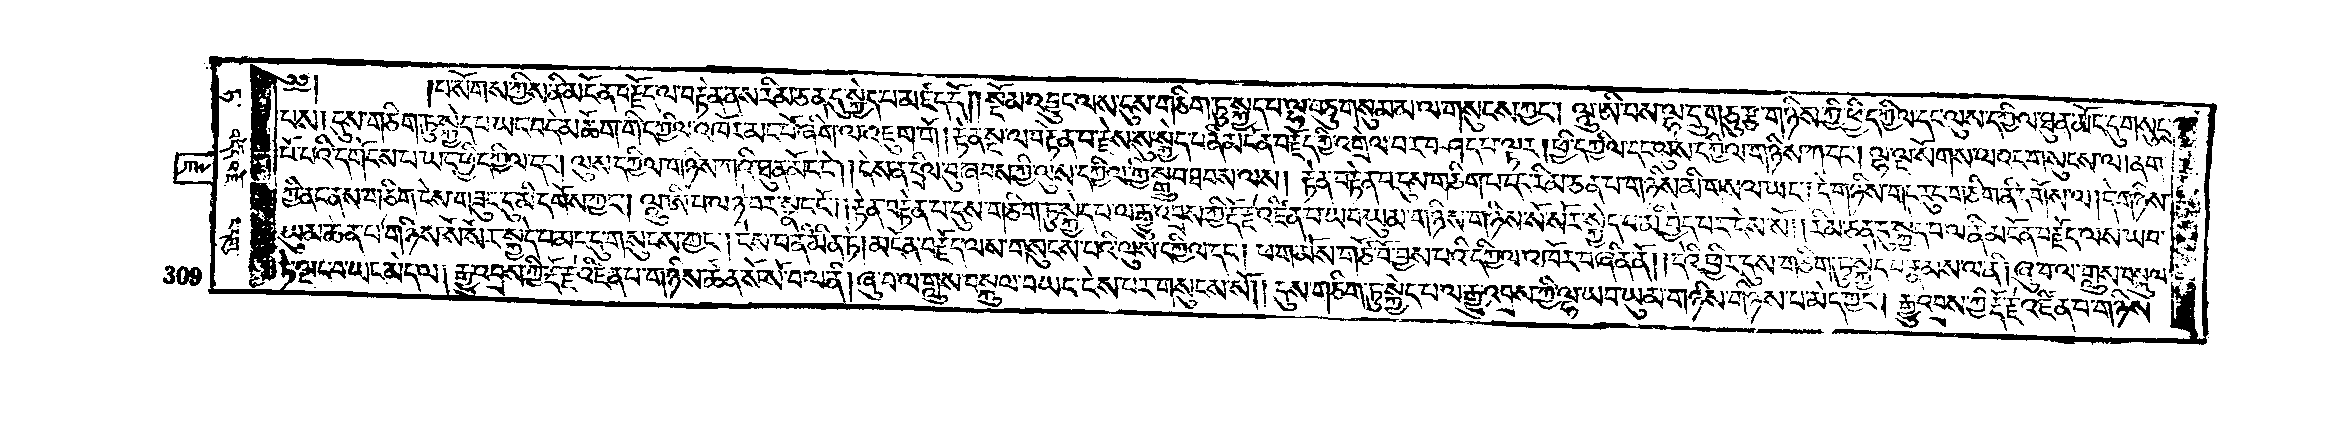༄༅། །པ་སོགས་ཀྱིས་ནི་མངོན་བརྗོད་ལ་བརྟེན་ནས་རིམ་ཅན་དུ་སྐྱེད་པ་མཛད་དོ། །སྡོམ་འབྱུང་ལས་དུས་གཅིག་ཏུ་སྐྱེད་པ་ལྷ་བཅུ་གསུམ་མ་ལ་གསུངས་ཀྱང་། ལཱུ་ཨི་པས་ལྷ་དྲུག་ཅུ་རྩ་གཉིས་ཀྱི་ཕྱི་དཀྱིལ་དང་ལུས་དཀྱིལ་ཐུན་མོང་དུ་གསུངས་
པས། དུས་གཅིག་ཏུ་སྐྱེད་པ་ཡང་བདེ་མཆོག་གི་དཀྱིལ་འཁོར་མང་པོ་ཞིག་ལ་འཇུག་གོ །རྟེན་སྔ་ལ་བརྟེན་པ་རྗེས་སུ་སྐྱེད་པ་ནི་མངོན་བརྗོད་ཀྱི་འགྲེལ་པར་བཤད་པ་ལྟར། ཕྱི་དཀྱིལ་དང་ལུས་དཀྱིལ་གཉིས་ཀ་དང་། ལྷ་ལྔ་སོགས་ལའང་གསུངས་ལ། ནག་
པོ་པའི་དགེངས་པ་ཡང་ཕྱི་དཀྱིལ་དང་། ལུས་དཀྱིལ་གཉིས་ཀའི་ཐུན་མོང་ངོ། །དེས་ན་དྲིལ་བུ་ཞབས་ཀྱི་ལུས་དཀྱིལ་གྱི་སྒྲུབ་ཐབས་ལས། རྟེན་བརྟེན་པ་དུས་གཅིག་པ་དང་རིམ་ཅན་པ་གཉིས་མི་གསལ་ཡང་། དེ་གཉིས་གང་རུང་གཅིག་ནི་དགོས་ལ། དེ་གཉིས་
ཀྱི་ནང་ནས་གཅིག་ངེས་གཟུང་དུ་མི་དགོས་ཀྱང་། ལཱུ་ཨི་པ་ལ་ཉེ་བར་སྣང་ངོ། །རྟེན་བརྟེན་པ་དུས་གཅིག་ཏུ་སྐྱེད་པ་ལ་རྒྱུ་འབྲས་ཀྱི་རྡོ་རྗེ་འཛིན་པ་ཡབ་ཡུམ་གཉིས་གཉིས་སོ་སོར་སྐྱེད་པ་མི་བྱེད་པར་ངེས་སོ། །རིམ་ཅན་དུ་སྐྱེད་པ་ལ་ནི་མངོན་བརྗོད་ལས་ཡབ་
ཡུམ་ཆེན་པ་གཉིས་སོ་སོར་སྐྱེད་པ་མང་དུ་གསུངས་ཀྱང་། ངེས་པ་ནི་མིན་ཏེ། མངོན་བརྗོད་ལས་གསུངས་པའི་ལུས་དཀྱིལ་དང་། ཕག་མོས་གཙོ་བོ་བྱས་པའི་དཀྱིལ་འཁོར་བཞིན་ནོ། །དེའི་ཕྱིར་དུས་གཅིག་ཏུ་སྐྱེད་པ་རྣམས་ལ་ནི། ཞུ་བ་ལ་གླུས་བསྐུལ་
ཏེ་ལྡང་བ་ཡང་མེད་ལ། རྒྱུ་འབྲས་ཀྱི་རྡོ་རྗེ་འཛིན་པ་གཉིས་ཚན་སོ་སོ་བ་ལ་ནི། ཞུ་བ་ལ་གླུས་བསྐུལ་བ་ཡང་ངེས་པར་གསུངས་སོ། །དུས་གཅིག་ཏུ་སྐྱེད་པ་ལ་རྒྱུ་འབྲས་ཀྱི་ལྷ་ཡབ་ཡུམ་གཉིས་གཉིས་པ་མེད་ཀྱང་། རྒྱུ་འབྲས་ཀྱི་རྡོ་རྗེ་འཛིན་པ་གཉིས་